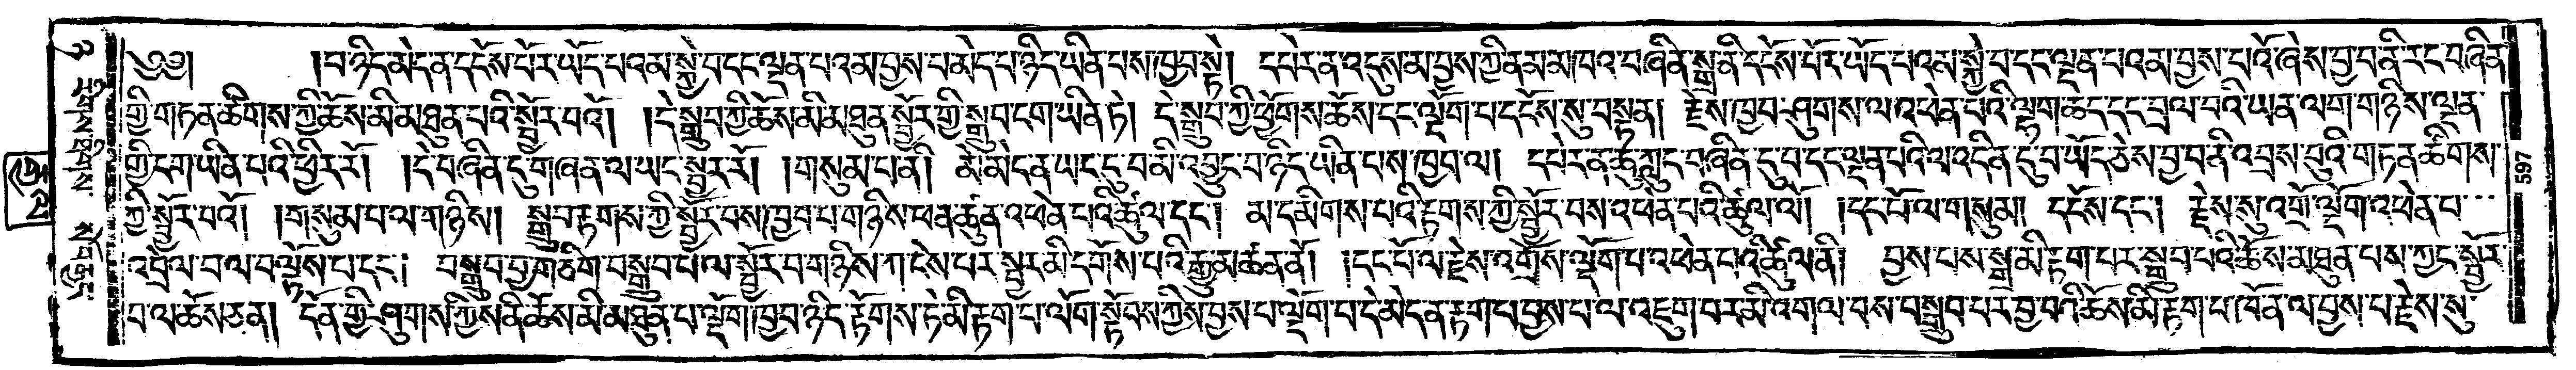༄༅། །བ་ཉིད་མེད་ན་དངོས་པོར་ཡོད་པའམ་སྐྱེ་བ་དང་ལྡན་པའམ་བྱས་པ་མེད་པ་ཉིད་ཡིན་པས་ཁྱབ་སྟེ། དཔེར་ན་འདུས་མ་བྱས་ཀྱི་ནམ་མཁའ་བཞིན་སྒྲ་ནི་དངོས་པོར་ཡོད་པའམ་སྐྱེ་བ་དང་ལྡན་པའམ་བྱས་པའོ་ཞེས་བྱ་བ་ནི་རང་བཞིན་
གྱི་གཏན་ཚིགས་ཀྱི་ཆོས་མི་མཐུན་པའི་སྦྱོར་བའོ། །དེ་སྒྲུབ་ཀྱི་ཆོས་མི་མཐུན་སྦྱོར་གྱི་སྒྲུབ་དག་ཡིན་ཏེ། དེ་སྒྲུབ་ཀྱི་ཕྱོགས་ཆོས་དང་ལྡོག་པ་དངོས་སུ་བསྟན། རྗེས་ཁྱབ་ཤུགས་ལ་འཕེན་པའི་ལྷག་ཆད་དང་བྲལ་བའི་ཡབ་ལག་གཉིས་ལྡན་
གྱི་དག་ཡིན་པའི་ཕྱིར་རོ། །དེ་བཞིན་དུ་གཞན་ལ་ཡང་སྦྱར་རོ། །གསུམ་པ་ནི། མེ་མེད་ན་ཡང་དུ་བ་མི་འབྱུང་བ་ཉིད་ཡིན་པས་ཁྱབ་ལ། དཔེར་ན་ཆུ་ཀླུང་བཞིན་དུ་བ་དང་ལྡན་པའི་ལ་འདི་ན་དུ་བ་ཡོད་ཅེས་བྱ་བ་ནི་འབྲས་བུའི་གཏན་ཚིགས་
ཀྱི་སྦྱོར་བའོ། །གསུམ་པ་ལ་གཉིས། སྒྲུབ་རྟགས་ཀྱི་སྦྱོར་བས་ཁྱབ་པ་གཉིས་ཕན་ཚུན་འཕེན་པའི་ཚུལ་དང་། མ་དམིགས་པའི་རྟགས་ཀྱི་སྦྱོར་བས་འཕེན་པའི་ཚུལ་ལོ། །དང་པོ་ལ་གསུམ། དངོས་དང་། རྗེས་སུ་འགྲོ་ལྡོག་འཕེན་པ་
འབྲེལ་བ་ལ་བལྟོས་པ་དང་། བསྒྲུབ་བྱ་གཅིག་བསྒྲུབ་པ་ལ་སྦྱོར་བ་གཉིས་ཀ་ངེས་པར་སྦྱར་མི་དགོས་པའི་རྒྱུ་མཚན་ནོ། །དང་པོ་ལ་རྗེས་འགྲོས་ལྡོག་པ་འཕེན་པའི་ཚུལ་ནི། བྱས་པས་སྒྲ་མི་རྟག་པར་སྒྲུབ་པའི་ཆོས་མཐུན་པས་ཀྱང་སྦྱོར་
བ་ལ་ཆོས་ཅན། དོན་གྱི་ཤུགས་ཀྱིས་ནི་ཆོས་མི་མཐུན་པ་ལྡོག་ཁྱབ་ཉིད་རྟོགས་ཏེ་མི་རྟག་པ་ལོག་སྟོབས་ཀྱིས་བྱས་པ་ལྡོག་པ་དེ་མེད་ན་རྟག་པ་བྱས་པ་ལ་འཇུག་པར་མི་འགལ་བས་བསྒྲུབ་པར་བྱ་བའི་ཆོས་མི་རྟག་པ་ཁོ་ན་ལ་བྱས་པ་རྗེས་སུ་